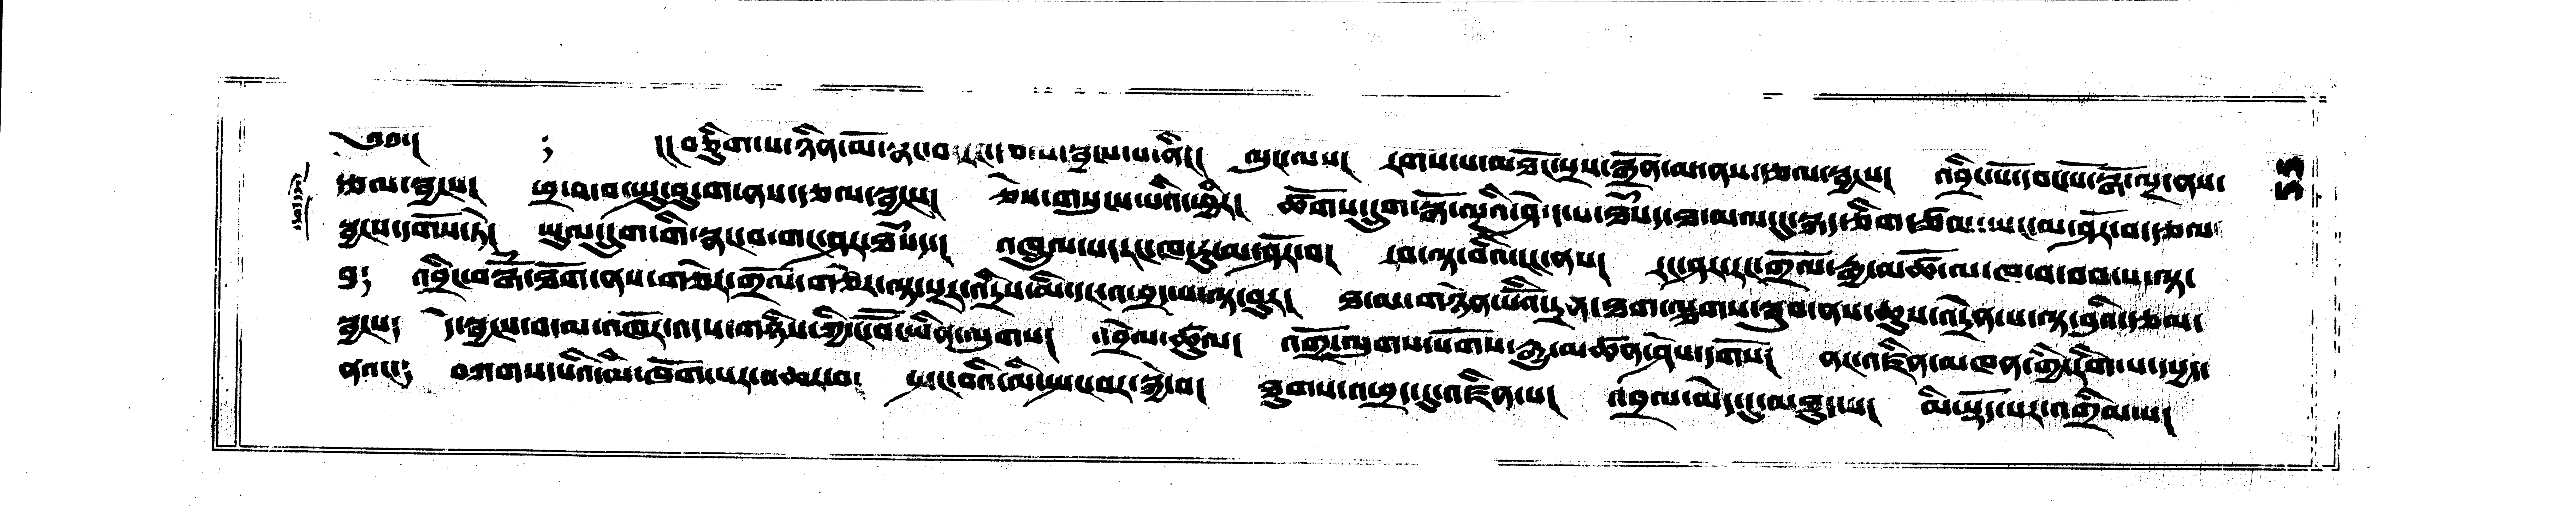བཅུ་གཅིག་པ་ཉིན་མོ་སྣང་བ་རང་རྩལ་སྦྱངས་པ་ནི། རགས་པ་མཐོང་སྲས་སྒྲོན་མ་ནས་རྩལ་སྦྱངས། འབྲིང་པོ་དབང་པོ་སྒོ་ལྔ་ནས་
རྩལ་སྦྱངས། ཕྲ་བ་བ་སྤུའི་བུ་ག་ནས་རྩལ་སྦྱངས། ཅེས་གསུངས་པའི་ཕྱིར། ཚོགས་དྲུག་སྒོ་ལྔའི་ཤེས་པ་ཐམས་ཅད་ཐ་མལ་དུ་སྐད་ཅིག་ཙམ་ཡང་མ་ཤོར་བ་རྩལ་
སྦྱངས་དགོས་ཏེ། ཡུལ་དྲུག་གི་སྣང་བ་གང་ཤར་ཐམས་ཅད་འཁྲུལ་པ་རང་ཁ་རུ་མ་ཤོར་བ། རབ་ལྟ་བའི་ངང་ནས་རང་ཤར་རང་གྲོལ་རྒྱ་མཚོ་ལ་ཁ་བ་བབས་པ་ལྟ་
བུ། འབྲིང་སྒོམ་ཐོག་ནས་ཅེར་གྲོལ་གཅེར་ལྟ་སྔར་འདྲིས་མི་དང་འཕྲད་པ་ལྟ་བུ། ཐ་མ་གཉེན་པོའི་དྲན་ཐག་ལྕགབས་སྦུབས་ནས་ཆུ་འདྲེན་པ་ལྟ་བུའི་རྩལ་
སྦྱངས། དེ་སྦྱངས་པ་ལ་འཁོར་འདས་གཉིས་ཀྱི་ངོ་བོ་ཡིན་ལུགས། འབྲེལ་ཚུལ། འགྲོ་ལུགས་སོགས་རྒྱུ་མཚན་ཤེས་དགོས། ནང་འཛིན་མཁན་གྱི་རིག་པ་དཔྱད་
ནའང་། བཀག་པས་མི་ཁོག་པས་འཆར་བ། སྤང་བས་མི་སྤང་བར་སྐྱེ་བ། ཐུག་འཕྲད་དུ་འཛིན་པ། འབྲལ་མེད་དུ་མཐུད་པ། མི་སྡོད་པར་འགྲིམས་པ།